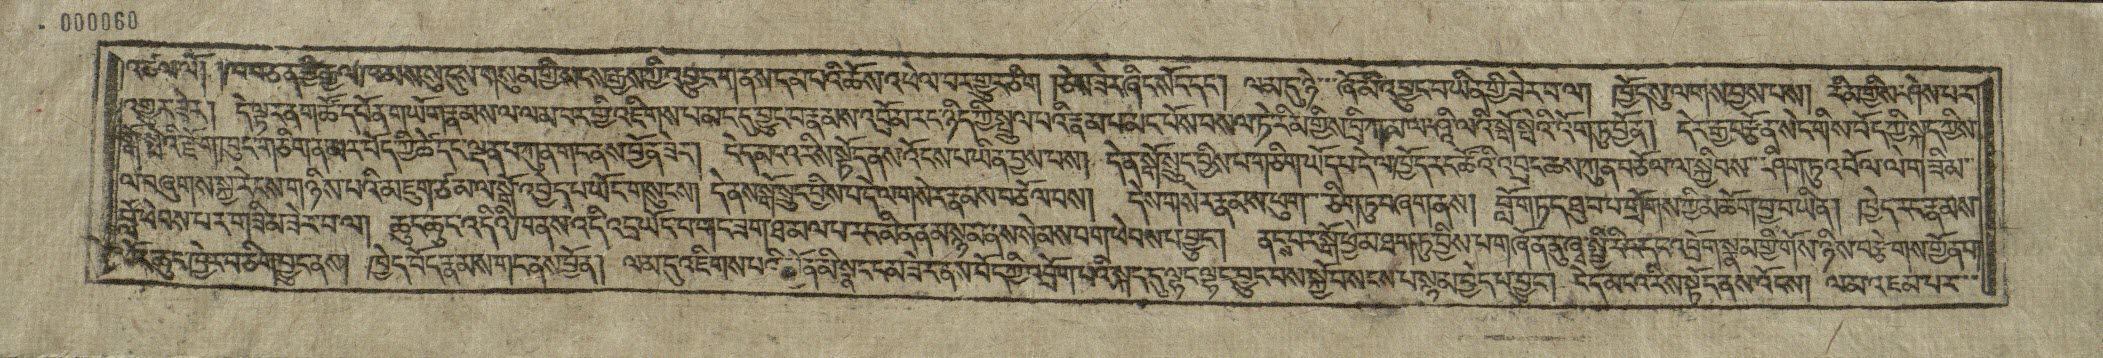འཚལ་ལོ། །ཁ་བ་ཅན་གྱི་རྒྱལ་ཁམས་སུ་དུས་གསུམ་གྱི་སངས་རྒྱས་ཀྱི་འབྱུང་གནས་དམ་པའི་ཆོས་འཕེལ་བར་གྱུར་ཅིག །ཅེས་ཟེར་ཞིང་སོང་དང་། ལམ་དུ་ཉེ་ཞོ་མི་འབྱུང་བ་ཡིན་གྱི་ཟེར་བ་ལ། ཁྱོད་སུ་ལགས་བྱས་པས། རིམ་གྱིས་ཤེས་པར་
འགྱུར་ཟེར། དེ་ལྟར་ནག་ཚོ་དཔོན་གཡོག་རྣམས་ལ་ལམ་བར་གྱི་འཇིགས་པ་མང་དུ་བྱུང་བ་རྣམས་འབྲོམ་རང་ཉིད་ཀྱི་སྤྲུལ་པའི་རྣམ་པ་མང་པོས་བསལ་ཏེ་རིམ་གྱིས་བྲི་ཀ་མ་ལ་ཤཱི་ལའི་སྒོ་སྤེའི་འོག་ཏུ་བྱོན། དེར་རྒྱ་བརྩོན་སེང་གིས་བོད་ཀྱི་སྐད་ཀྱིས་
སྒོ་སྤེའི་རྫོག་ཁུང་གཅིག་ན་མར་བོད་ཀྱི་ཚེ་དང་ལྡན་པ་ཀུན་གང་ནས་བྱོན་ཟེར། ངེད་མངའ་རིས་སྟོད་ནས་འོངས་པ་ཡིན་བྱས་པས། དེ་ན་སྒོ་སྲུང་བྱིས་པ་གཅིག་ཡོད་པ་དེ་ལ་ཁྱོད་རང་ཚོའི་འབྲང་ཆས་ཀུན་བཅོལ་ལ་སྐྱིབས་ཤིག་ཏུ་འབོལ་ལེ་གཟིམ་
ལ་བཞུགས་སྐྱ་རེངས་གཉིས་པའི་མཇུག་ཙམ་ལ་སྒོ་འབྱེད་པ་ཡོང་?་གསུངས། དེ་ནས་སྒོ་སྲུང་བྱིས་པ་དེ་ལ་གསེར་རྣམས་བཅོལ་བས། དེས་གསེར་རྣམས་ཕུག་ཅིག་ཏུ་བཞག་ནས། བློ་གཏད་ཐུབ་པ་གྲོགས་ཀྱི་མཆོག་བྱ་བ་ཡིན། ཁྱེད་རང་རྣམས་
བློ་ཕེབས་པར་གཟིམ་ཟེར་བ་ལ། ཆུང་ཆུང་འདིའི་ཁ་ནས་འདི་འདྲ་ཡོང་བ་གང་ཟག་ཐ་མལ་པ་རང་མིན་ནམ་སྙམ་ནས་སེམས་བག་ཕེབས་པ་བྱུང་། ནངས་པར་སྒོ་ཕྱེ་མ་ཐག་ཏུ་བྱིས་པ་གཞོན་ནུ་ཞྭ་སྤྱི་རིང་དང་འབྲོག་སྣམ་གྱི་གོས་ཉིས་བརྩེགས་གྱོན་པ།
ཕོར་ཆུང་ཁྱེར་བ་ཅིག་བྱུང་ནས། ཁྱེད་བོད་རྣམས་གང་ནས་བྱོན། ལམ་དུ་འཇིགས་པའི་སྐྱོན་མི་སྣང་ངམ་ཟེར་ནས་བོད་ཀྱི་འབྲོག་པའི་སྐད་དུ་ལྷང་ལྷང་བྱུང་བས་སྐྱོ་བ་སངས་པ་སྙམ་བྱེད་པ་བྱུང་། ངེད་མངའ་རིས་སྟོད་ནས་འོངས། ལམ་འཇམ་པར་